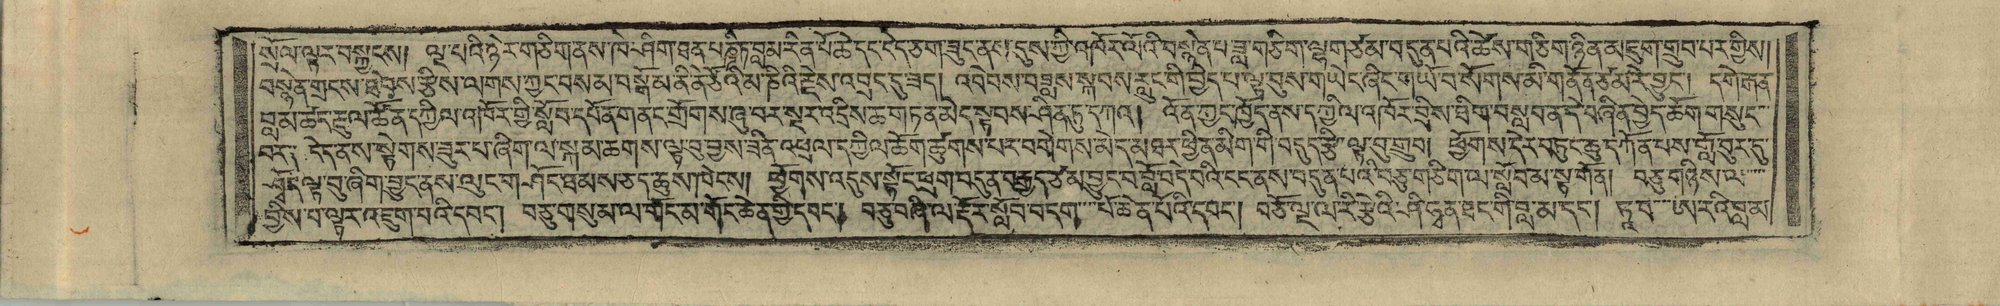སྲོལ་ལྟར་བསྐྱངས། ལྔ་པའི་ཉེར་གཅིག་ནས་ཁེ་ཤིག་ཐན་པཎྜི་ཏ་བླ་མ་རིན་པོ་ཆེ་དང་ངེད་ཅག་ཟུང་ནས་དུས་ཀྱི་འཁོར་ལོའི་བསྙེན་པ་ཟླ་གཅིག་ལྷག་ཙམ་བདུན་པའི་ཚེས་གཅིག་ཉིན་མཇུག་གྲུབ་པར་གྱིས།
བསྙེན་གྲངས་ཐེབས་རྩིས་ལགས་ཀྱང་བསམ་བསྒོམ་ནི་ནེ་ཙོའི་མ་ཎིའི་རྗེས་འབྲང་དུ་ཟད། འབེབས་བཟླས་སྐབས་རླུང་གི་བྱེད་པ་ལྟ་བུས་གཡེང་ཞིང་གཡོ་བ་སོགས་མི་གནོན་ཙམ་རེ་བྱུང་། དགེ་རྒན་
བླ་མ་ཚང་རྡུལ་ཚོན་དཀྱིལ་འཁོར་གྱི་སློབ་དཔོན་གནང་གྲོགས་ཞུ་བར་སྔར་འདྲིས་ཆ་གཏན་མེད་སྟབས་ཤིན་ཏུ་དཀའ། འོན་ཀྱང་ཁྱོད་ནས་དཀྱིལ་འཁོར་བྲིས་ཐིག་བསླབ་ན་དེ་བཞིན་བྱེད་ཆོག་གསུང་
བར༑ ངེད་ནས་སྟེགས་ཟུར་པ་ཞིག་ལ་སྐམ་ཆགས་ལྟ་བུ་བྱས་ཟིན་འཕྲལ་དཀྱིལ་ཆོག་ཚུགས་པར་བགེགས་མེད་མཐར་ཕྱིན་མིག་གི་བདུད་རྩི་ལྟ་བུ་གྲུབ། ཕྱོགས་དེར་བཏུང་ཆུ་དཀོན་པས་གློ་བུར་དུ་
ཤྭོད་ལྟ་བུ་ཞིག་བྱུང་ནས་ལུང་གཤོང་ཐམས་ཅད་ཆུས་ཁེངས། ཕྱོགས་འདུས་སྟོང་ཕྲག་བདུན་བརྒྱད་ཙམ་བྱུང་བ་བློ་བདེ་བའི་ངང་ནས་བདུན་པའི་བཅུ་གཅིག་ལ་སློབ་མ་སྟ་གོན། བཅུ་གཉིས་ལ་
བྱིས་པ་ལྟར་འཇུག་པའི་དབང་། བཅུ་གསུམ་ལ་གོང་མ་གོང་ཆེན་གྱི་དབང་། བཅུ་བཞི་ལ་རྡོར་སློབ་བདག་པོ་ཆེན་པོའི་དབང་། བཅོ་ལྔ་ལ་རི་རྩེའི་ཤི་ཧྭན་ཐང་གི་བླ་མ་དང་། ཏཱ་བ་ཨ་རའི་བླ་མ་